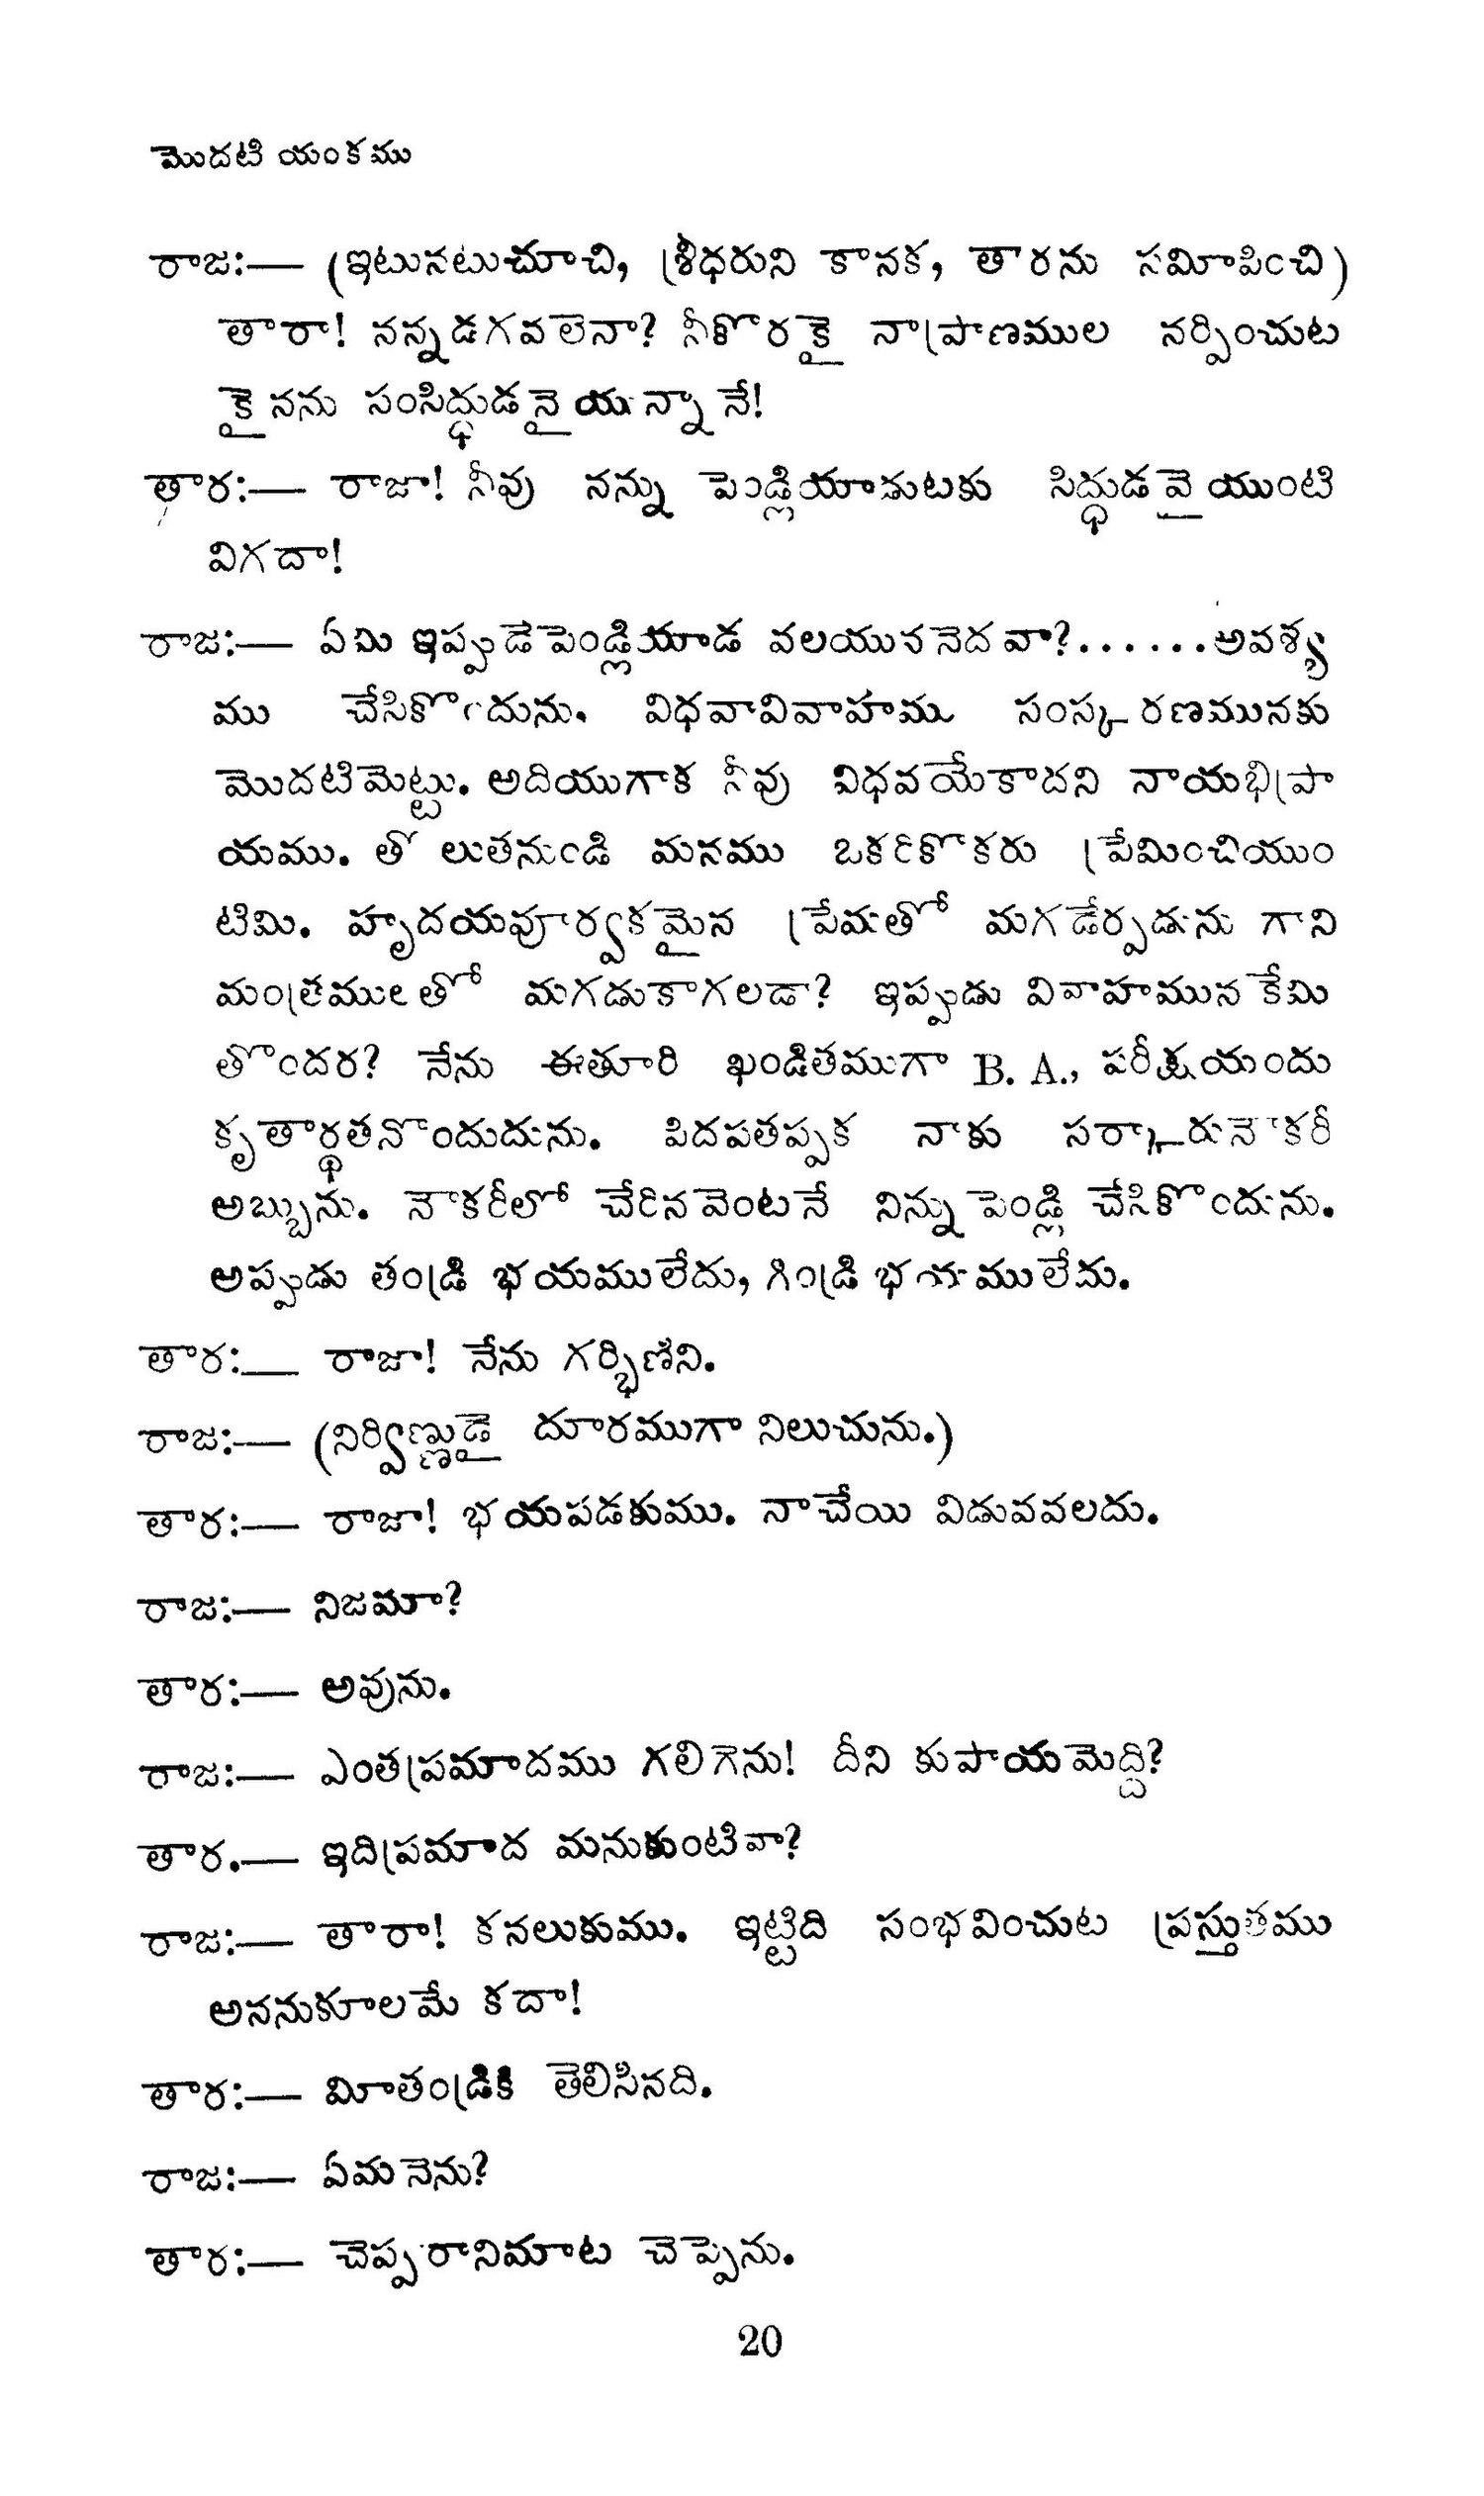రాజ:- (ఇటునటు చూచి, శ్రీధరుని కానక , తారను సమీపించి)

తారా! నన్నడగ వలెనా? నీకొరకై నాప్రాణముల నర్పించుట
కైనను సంసిద్ధుడనై యన్నానే!

తార:- రాజా! నీవు నన్ను పెండ్లియాడుటకు సిద్దుడ వై యుంటి
విగదా!

రాజ:— ఏమి ఇప్పుడే పెండ్లియాడ వలయున నెదవా?. .. అవశ్య
చేసి కొందును, విధవా వివాహము సంస్క రణమునకు
మొదటి మెట్టు. అదియుగాక నీవు విధవ యేకాదని నాయభిప్రా
యము. తొలుతనుండి మనము ఒకరికొకరు ప్రేమించియుం
టిమి. హృదయ పూర్వకమైన ప్రేమతో మగ డేర్పడను గాని
మంత్రములతో మగడు కాగలడా? ఇప్పుడు వివాహమున కేమి
తొందర? నేను ఈతూరి ఖండితముగా B. A., పరీక్ష యందు
కృతార్థత నొందుదును. పిదప తప్పక నాకు సర్కారు నెకరీ
అబ్బును. నౌకరీలో చేరిన వెంటనే నిన్ను పెండ్లి చేసి కొందును.
అప్పుడు తండ్రి భయము లేదు, గిండ్రి భయము లేదు.

తార:- రాజా! నేను గర్భిణిని.
(నిర్విజ్ఞుడై దూరముగా నిలుచును.)

తార:-- రాజా! భయపడకుము. నాచేయి విడువ వలదు.

రాజ:- నిజమా?

తార:- అవును.

రాజు:— ఎంత ప్రమాదము గలిగెను! దీని కుపాయ మెద్దీ?

తార.- ఇది ప్రమాద మనుకుంటివా?

రాజు:— తారా! కనలుకుము. ఇట్టిది సంభవించుట ప్రస్తుతము
అననుకూలమే కదా!

తార:- మీతండ్రికి తెలిసినది.

రాజ:- ఏమ నెను?

తార:- చెప్పరానిమాట చెప్పెను.